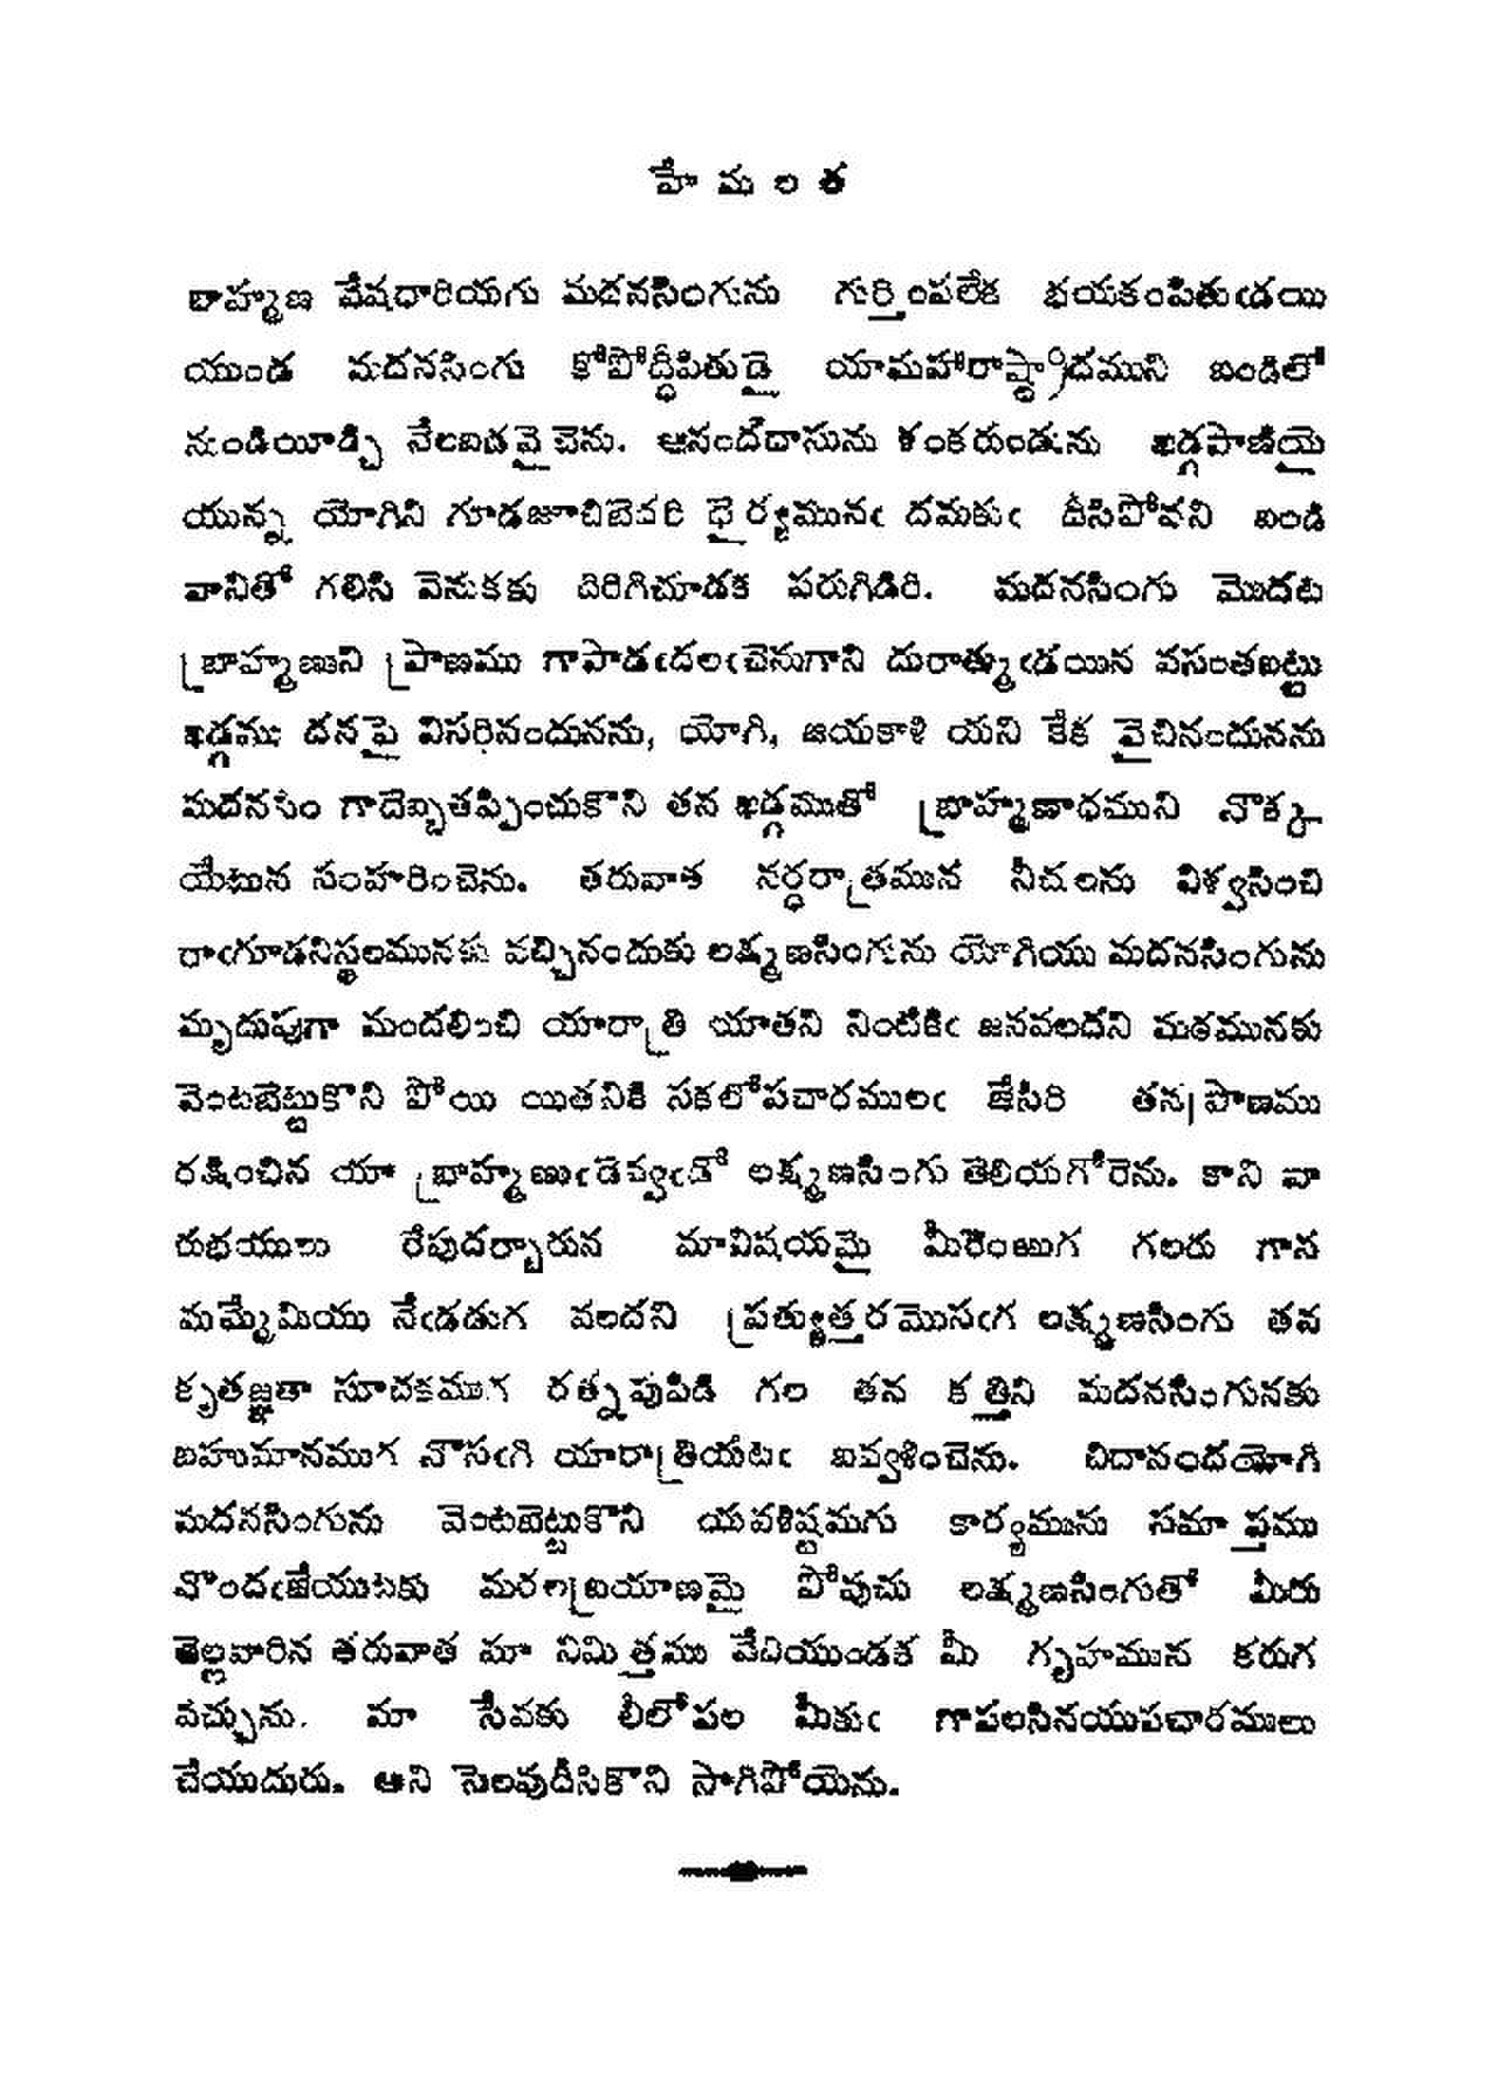బ్రాహ్మణ వేషధారియగు మదనసింగును గుర్తింపలేక భయకంపితుఁడయి యుండ మదనసింగు కోపోద్దీపితుడై యామహారాష్ట్రాధముని బండిలోనుండియీడ్చి నేలబడవైచెను. ఆనందదాసును శంకరుండును ఖడ్గపాణియైయున్న యోగిని గూడజూచిబెదరి ధైర్యమునఁ దమకుఁ దీసిపోవని బండివానితో గలిసి వెనుకకు దిరిగిచూడక పరుగిడిరి. మదనసింగు మొదట బ్రాహ్మణుని ప్రాణము గాపాడఁదలఁచెనుగాని దురాత్ముఁడయిన వసంతభట్టు ఖడ్గము దనపై విసరినందునను, యోగి, జయకాశి యని కేక వైచినందునను మదనసిం గాదెబ్బతప్పించుకొని తన ఖడ్గముతో బ్రాహ్మణాధముని నొక్కయేటున సంహరించెను. తరువాత నర్ధరాత్రమున నీచులను విశ్వసించి రాగూడనిస్థలమునకు వచ్చినందుకు లక్ష్మణ సింగును యోగియు మదనసింగును మృదువుగా మందలించి యారాత్రి యాతని నింటికి జనవలదని మఠమునకు వెంటబెట్టుకొని పోయి యితనికి సకలోపచారములఁ జేసిరి. తనప్రాణము రక్షించిన యా బ్రాహ్మణుఁడెవ్వఁడో లక్ష్మణసింగు తెలియగోరెను. కాని వారుభయులు రేపుదర్బారున మావిషయమై మీరెఱుంగ గలరు గాన మమ్మేమియు నేఁడడుగ వలదని ప్రత్ర్యుత్తరమొసగ లక్ష్మణసింగు తనకృతజ్ఞతా సూచకముగ రత్నపుపిడి గల తన కత్తిని మదనసింగునకు బహుమానముగ నొసగి యారాత్రియటఁ బవ్వళించెను. చిదానందయోగి మదనసింగును వెంటబెట్టుకొని యవశిష్టమగు కార్యమును సమాప్తమునొందజేయుటకు మరల బ్రయాణమై పోవుచు లక్ష్మణసింగుతో మీరు తెల్లవారిన తరువాత మా నిమిత్తము వేచియుండక మీ గృహమునకు కరుగవచ్చును. మాసేవకు లీలోపల మీకుఁ గావలసిన యుపచారములు చేయుదురు. అని సెలవుదీసికొని సాగిపోయెను.